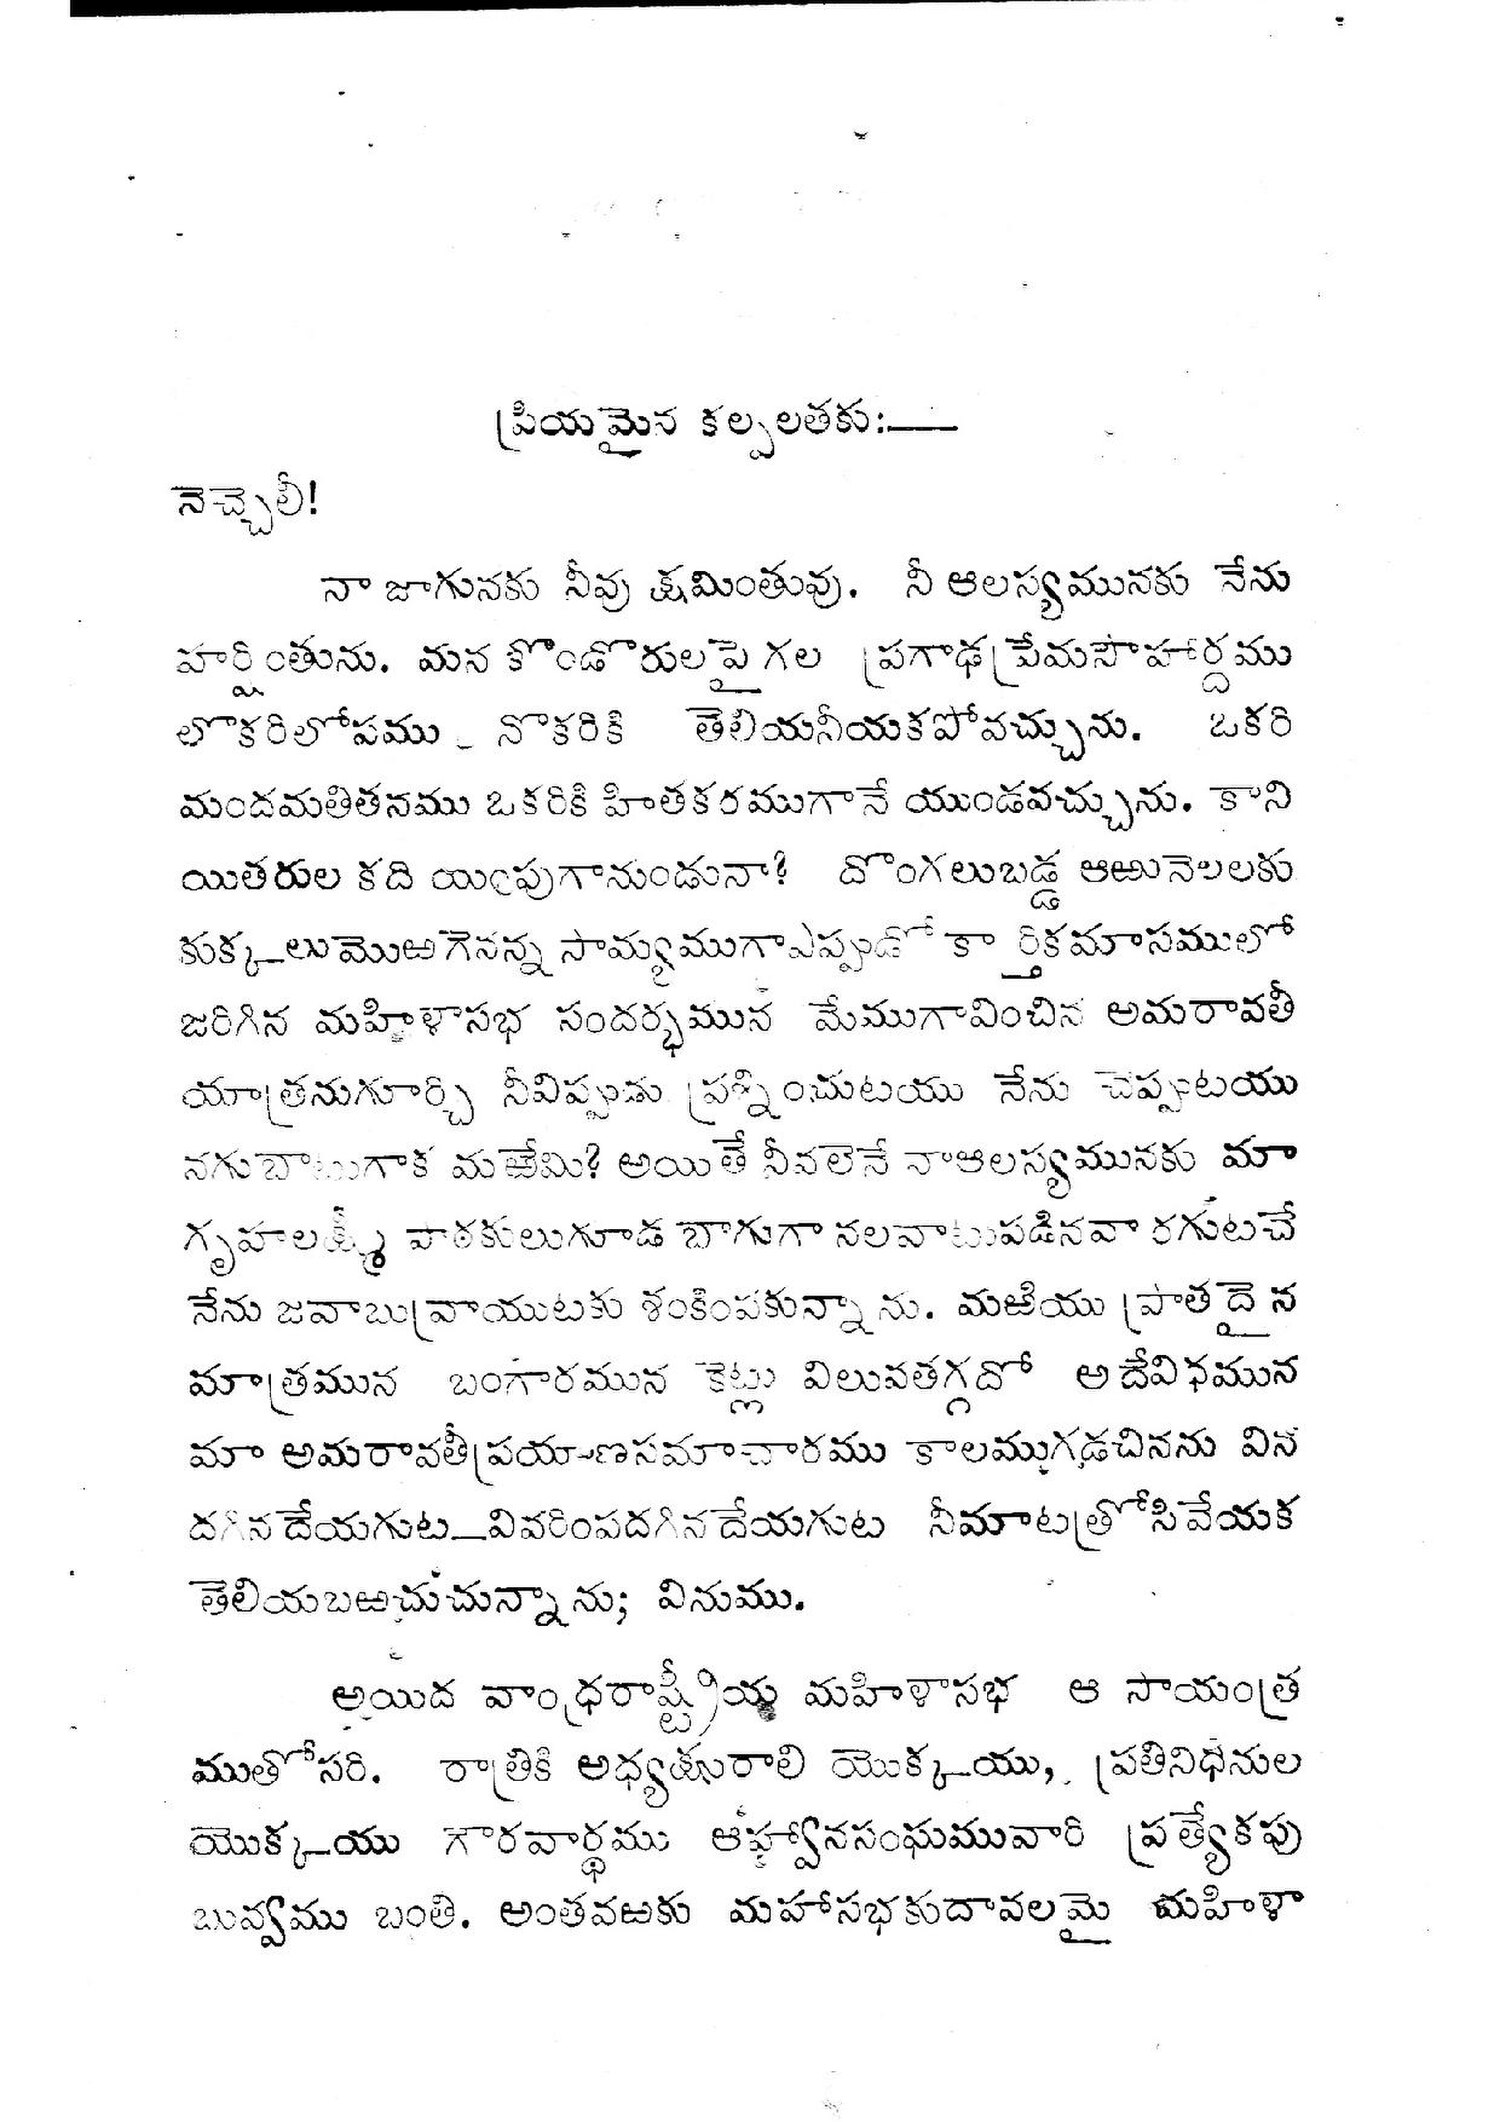నెచ్చలీ!

నా జాగునకు నీవు క్షమింతువు. నీ ఆలస్యమునకు నేను
హర్షింతును. మన కొండొరులపై గల ప్రగాఢ ప్రేమసౌహార్దము
లొకరిలోపము _ నొకరికి తెలియనీయకపోవచ్చును.ఒకరి 
మందమతితనము ఒకరికి హితకరముగానే యుండవచ్చును. కాని
యితరుల కది యిఁపుగానుండునా? దొంగలుబడ్డ ఆఱు నెలలకు
కుక్కలు మొఱగెనన్న సామ్యముగా ఎప్పుడో కార్తికమాసములో
జరిగిన మహిళాసభ సందర్భమున మేముగావించిన అమరావతీ
యాత్రనుగూర్చి నీవిప్పుడు ప్రశ్నించుటయు నేను చెప్పుటయు
నగుబాటుగాక మాఱేమి? అయితే నీవలెనే నాఆలస్యమునకు మా
గృహలక్ష్మీ పాఠకులుగూడ బాగుగానలవాటు పడినవారగుటాచే
నేను జవాబువ్రాయుటకు శంకింపకున్నాను. మఱియు ప్రాతదైన
మాత్రమున బంగారమున కెట్లు విలువ తగ్గదో అదేవిధమున
మా అమరావతీప్రయాణసమాచారము కాలము గడచినను విస
దగినదేయగుట_వివరింపదగినదే యగుట నీమాటత్రోసివేయక
తెలియబఱచుచున్నాను; వినుము.

అయిద వాంధ్రరాష్ట్రీయ మహిళాసభ ఆ సాయంత్ర
ముతోసరి. రాత్రికి అధ్యక్షురాలి యొక్కయు, ప్రతినిధినుల
యొక్కయు గౌరవార్థము ఆహ్వానసంఘము వారి ప్రత్యేకపు
బువ్వము బంతి. అంతవఱకు మహాసభకుదావలమై మహిళా